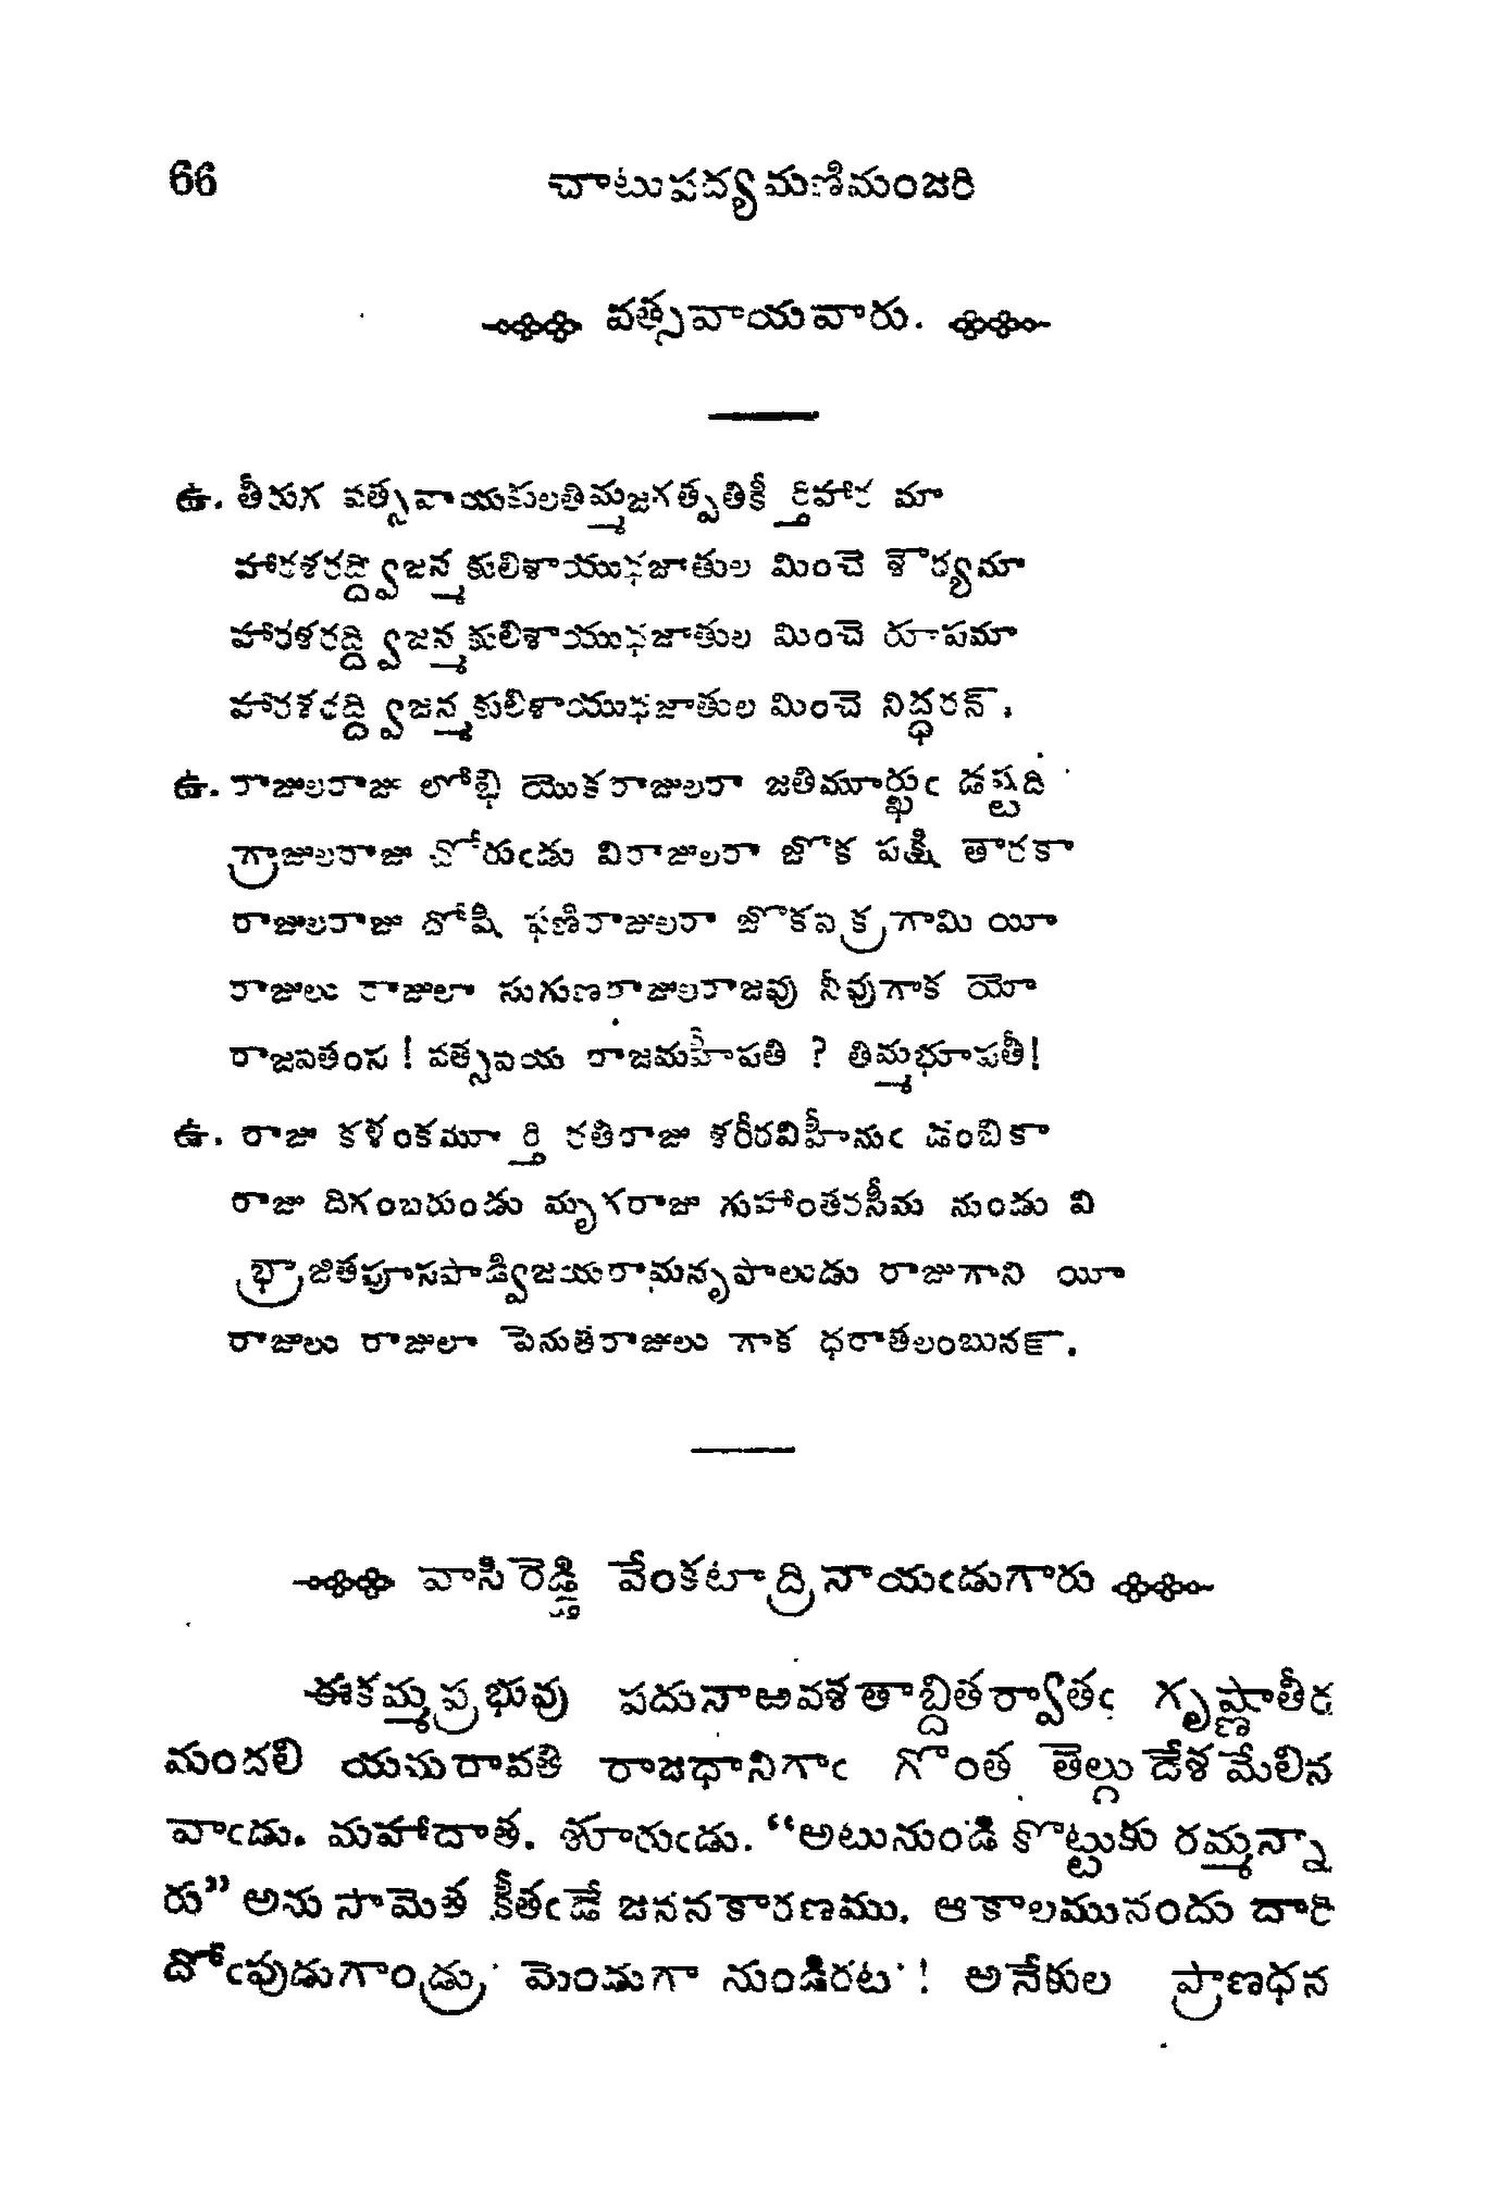ఉ. తీరుగ వత్సవాయతిమ్మ జగత్పతికీర్తిహార మా
 హారశరద్ద్విజన్మకులిశాయుధజాతుల మించె శౌర్యమా
 హారశరద్ద్విజన్మకులిశాయుధజాతుల మించె రూపమా
 హారశరద్ద్విజన్మకులిశాయుధజాతుల మించె నిద్ధరన్.
ఉ. రాజులరాజు లోభి యొకరాజులరా జతిమూర్ఖుఁ డష్టది
 గ్రాజులరాజు చోరుఁడు విరాజులరా జొక పక్షి తారకా
 రాజులరాజు దోషి ఫణిరాజులరా జొకవక్రగామి యీ
 రాజులు రాజులా సుగుణరాజులరాజవు నీవుగాక యో
 రాజవతంస? వత్సవయ రాజమహీపతి, తిమ్మభూపతీ!
ఉ. రాజు కళంకమూర్తి రతిరాజు శరీరవిహీనుఁ డంబికా
 రాజు దిగంబరుండు మృగరాజు గుహాంతరసీమ నుండు వి
 భ్రాజితపూసపాడ్విజయరామనృపాలుఁడు రాజుగాని యీ
 రాజులు రాజులా పెనుతరాజులు గాక ధరాతలంబునన్.

ఈకమ్మప్రభువు పదునాఱవశతాబ్దితర్వాతఁ గృష్ణాతీరమందలి యమరావతి రాజధానిగాఁ గొంత తెల్గుదేశ మేలినవాఁడు. మహాదాత. శూరుఁడు. ‘అటునుండి కొట్టుకు రమ్మన్నారు’ అనుసామెత కీతఁడే జననకారణము. ఆకాలమునందు దారిదోఁపుడుగాండ్రు మెండుగాఁ నుండిరఁట. అనేకుల ప్రాణధన